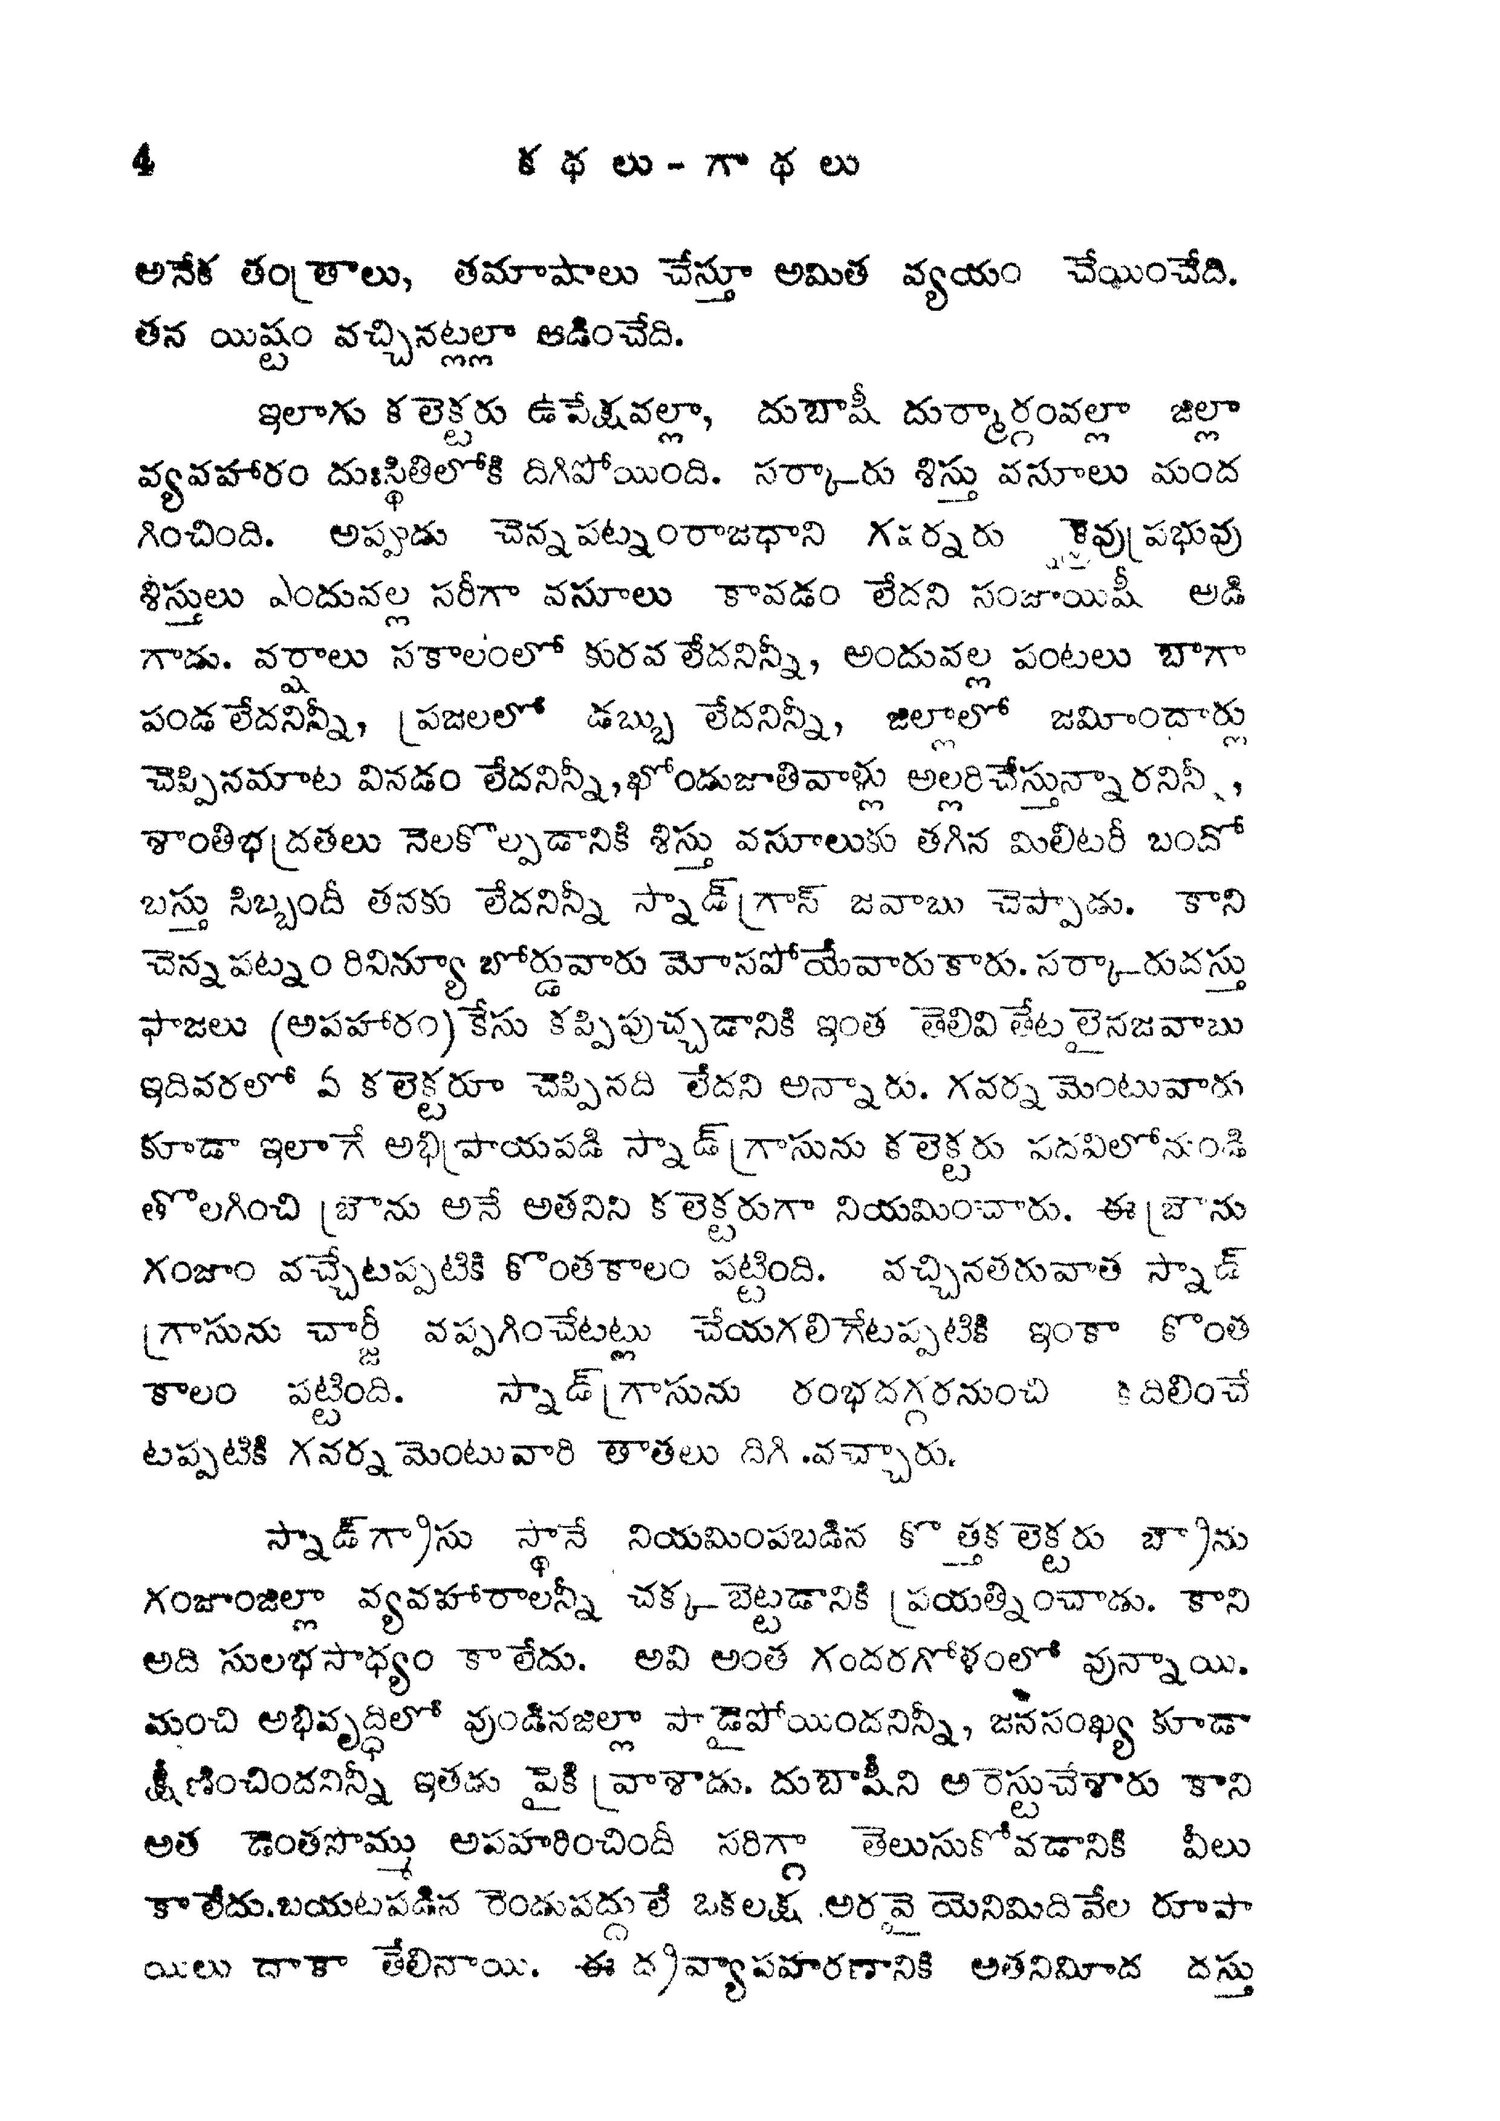అనేక తంత్రాలు, తమాషాలు చేస్తూ అమిత వ్యయం చేయించేది. తన యిష్టం వచ్చినట్లల్లా ఆడించేది.

ఇలాగు కలెక్టరు ఉపేక్షవల్లా, దుబాషీ దుర్మార్గంవల్లా జిల్లా వ్యవహారం దు:స్థితిలోకి దిగిపోయింది. సర్కారు శిస్తు వసూలు మందగించింది. అప్పుడు చెన్నపట్నంరాజధాని గవర్నరు క్లైవుప్రభువు శిస్తులు ఎందువల్ల సరీగా వసూలు కావడం లేదని సంజాయిషీ అడిగాడు. వర్షాలు సకాలంలో కురవలేదనిన్నీ, అందువల్ల పంటలు బాగా పండలేదనిన్నీ, ప్రజలలో డబ్బు లేదనిన్నీ, జిల్లాలో జమీందార్లు చెప్పినమాట వినడం లేదనిన్నీ, ఖోండుజాతివాళ్లు అల్లరిచేస్తున్నారనిన్నీ, శాంతిభద్రతలు నెలకొల్పడానికి శిస్తు వసూలుకు తగిన మిలిటరీ బందోబస్తు సిబ్బంది తనకు లేదనిన్నీ స్నాడ్ గ్రాస్ జవాబు చెప్పాడు. కాని చెన్నపట్నం రెవెన్యూబోర్డువారు మోసపోయేవారుకాదు. సర్కారుదస్తు ఫాజలు (అపహారం) కేసు కప్పిపుచ్చడానికి ఇంత తెలివితేట లైనజవాబు ఇదివరలో ఏకలెక్టరూ చెప్పినది లేదని అన్నారు. గవర్నమెంటువారు కూడా ఇలాగే అభిప్రాయపడి స్నాడ్ గ్రాసును కలెక్టరు పదవిలోనుండి తొలగించి బ్రౌను అనే అతనిని కలెక్టరుగా నియమించారు. ఈబ్రౌను గంజాం వచ్చేటప్పటికి కొంతకాలం పట్టింది. వచ్చినతరువాత స్నాడ్ గ్రాసును చార్జీ వప్పగించేటట్లు చేయగలిగేటప్పటికి ఇంకా కొంతకాలం పట్టించి. స్నాడ్ గ్రాసును రంభదగ్గరనుంచి కదిలించేటప్పటికి గవర్నమెంటువారి తాతలు దిగివచ్చారు.

స్నాడ్ గ్రాసు స్థానే నియమింపబడిన కొత్తకలెక్టరు బ్రౌను గంజాంజిల్లా వ్యవహారాలన్నీ చక్కబెట్టడానికి ప్రయత్నించాడు. కాని అది సులభసాధ్యం కాలేదు. అవి అంత గందరగోళంలొ వున్నాయి. మంచి అభివృద్ధిలో వుండిన జిల్లా పాడైపోయిందనిన్నీ, జనసంఖ్య కూడా క్షీణించిదనిన్నీ ఇతడు పైకి వ్రాశాడు. దుబాషీని అరెస్టుచేశారు కాని అత డెంతసొమ్మొ అపహరించిందీ సరిగ్గా తెలుసుకొవడానికి వీలు కాలేదు. బయటపడిన రెండుపద్దులే ఒకలక్ష అరవైవేల రూపాయిలు దాకా తేలినాయి. ఈద్రవ్యాపహరణానికి అతనిమీద దస్తు